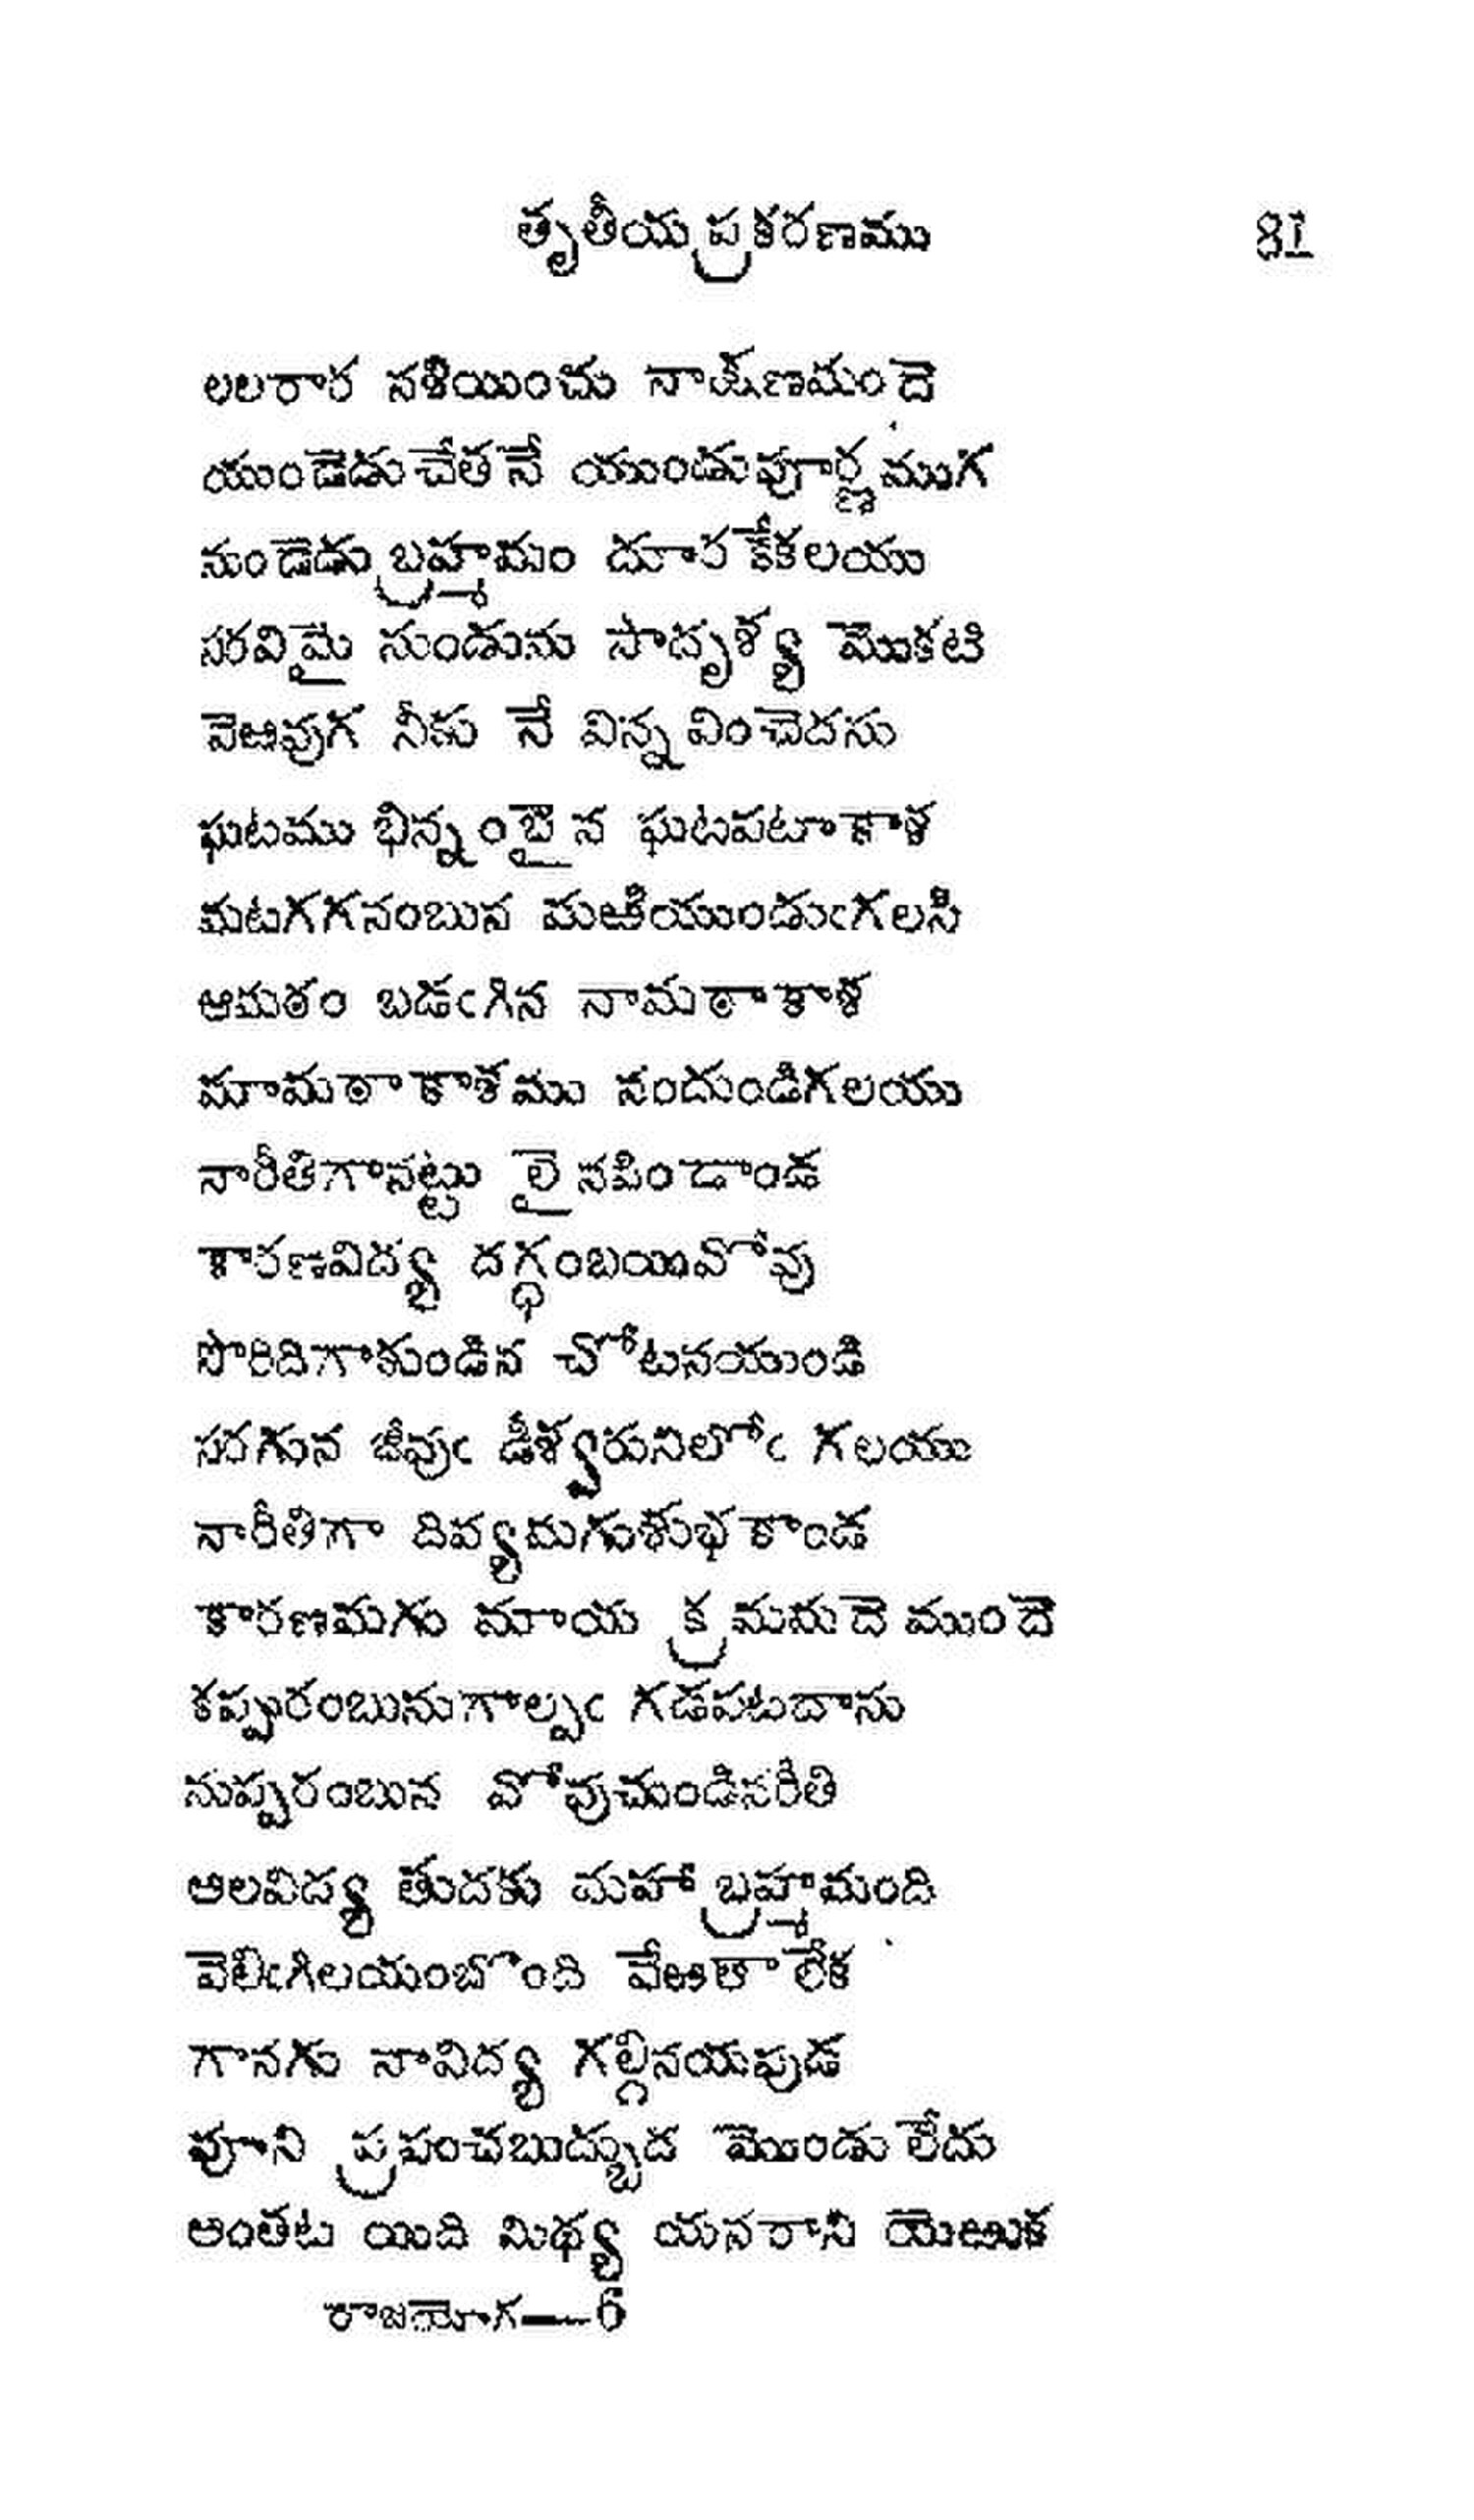లలరార నశియించు నాక్షణమందె
యుండెడుచేతనే యుండుపూర్ణముగ
నుండెడు బ్రహ్మమం దూరకేకలయు
సరవిమై నుండును సాదృశ్య మొకటి
వెఱవుగ నీకు నే విన్నవించెదను
ఘటము భిన్నంబైన ఘటపటాకాశ
మటగగనంబున మఱియుండుఁగలసి
ఆమఠం బడఁగిన నామఠాకాశ
మామఠాకాశము నందుండిగలయు
నారీతిగానట్టు లైనపిండాండ
కారణవిద్య దగ్ధంబయివోవు
సొరిదిగాకుండిన చోటనయుండి
సరగున జీవుఁ డీశ్వరునిలోఁ గలయు
నారీతిగా దివ్యమగుశుభకాండ
కారణమగు మాయ క్రమమదె ముందె
కప్పురంబునుగాల్పఁ గడపటదాను
నుప్పరంబున వోవుచుండినరీతి
అలవిద్య తుదకు మహాబ్రహ్మమంది
వెలిఁగిలయంబొంది వేఱతాలేక
గానగు నావిద్య గల్గినయపుడ
వూని ప్రపంచబుద్బుద మొండులేదు
అంతట యిది మిథ్య యనరాని యెఱుక